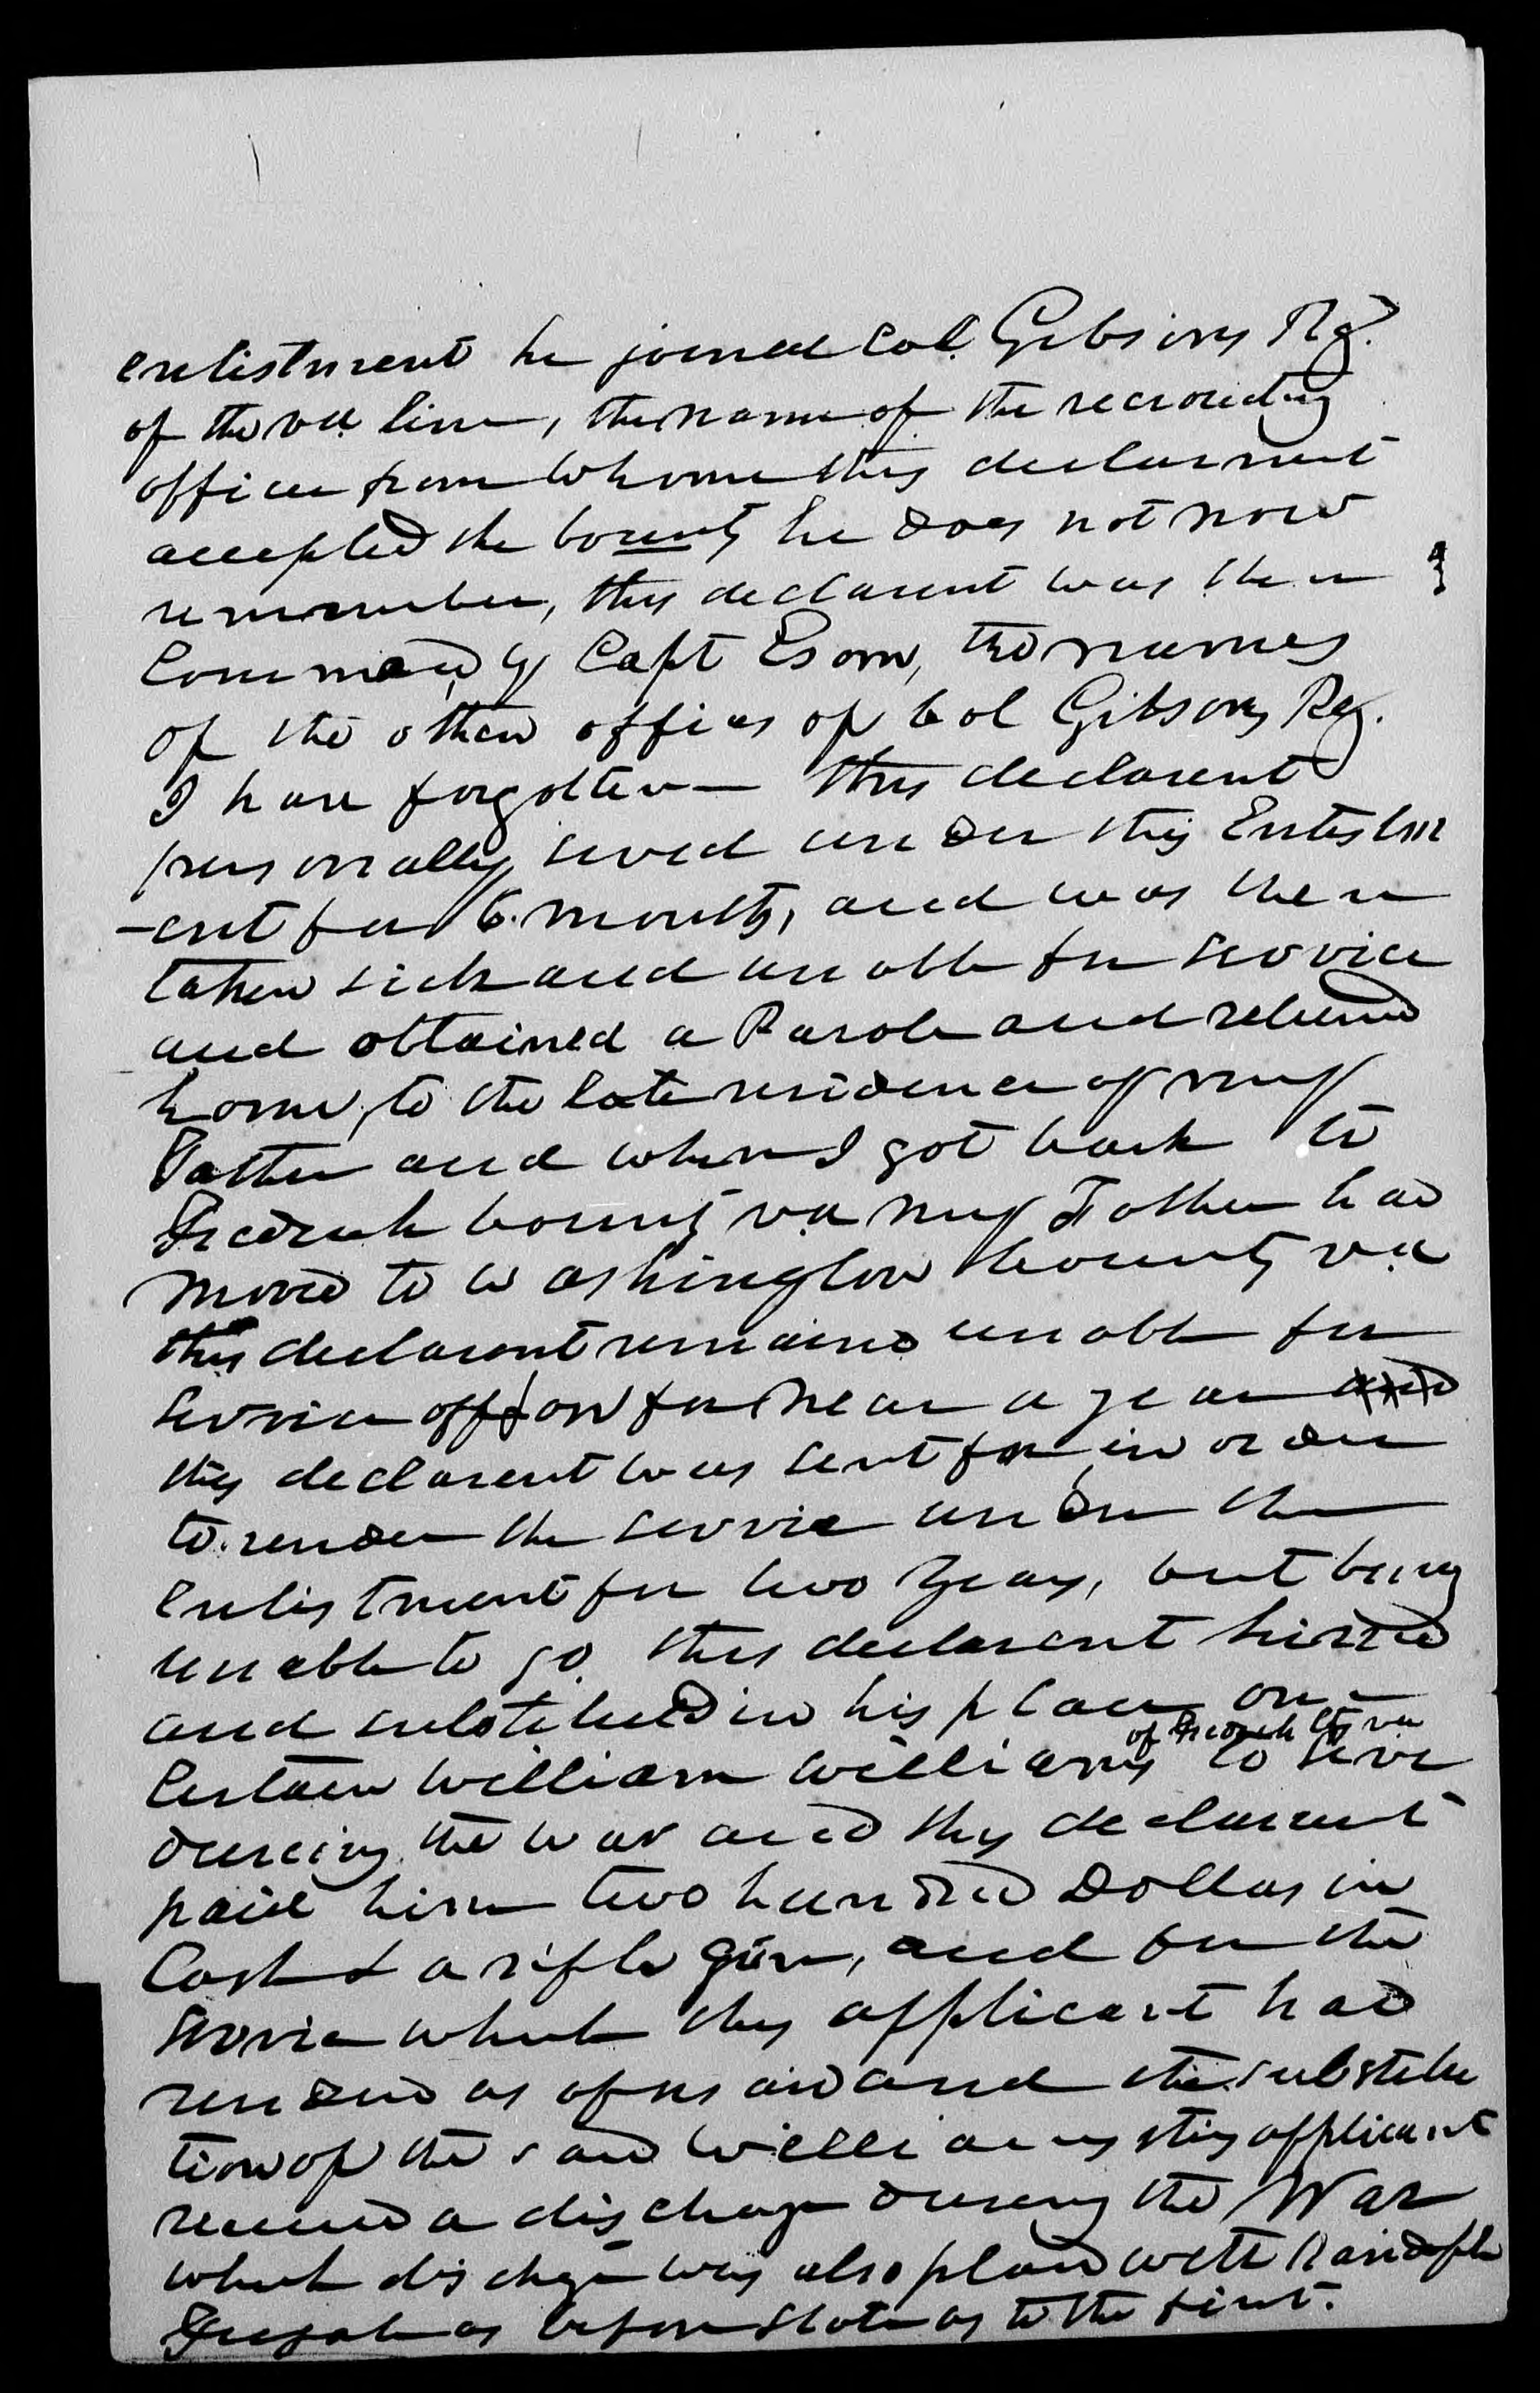enlistment he joined col. Gibson Rg. of the va line, the name of the security offices from whome this declarent accepted the [underlined] bounty he does not now remember, this declarent was then commanded by Capt Esom, the names of the other offices of col Gibsons Reg. I have forgotten - this declarent personally served under this enlistment for 6 months, and was then taken sick and unable for service and obtained a parole and returned home to the late residence of my Father and when I got back in Fredrick county va my Father had moved to washington county va this declarent remained unable for service off [and] on for near a year [crossed out] and this declarent was sent for in order to render the service under the enlistment for two years, but being unable to go this declarent hirred [hired] and substituted in his place one Captain William Williams (of Fredrick ct va) to serve during the war and this declarent paid him two hundred Dollars in cash and a rifle gun, and for the service which this applicant had rendered as of man and the substitution of the man williams this applicant received a discharge during the War which discharge was also plain with Randolph Fugate as before stated as to the first.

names: William Williams, Williams, Randolph Fugate, Esom, Gibson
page: 6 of 18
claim: survivor's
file: S. 15,846, James Fugate, Va.